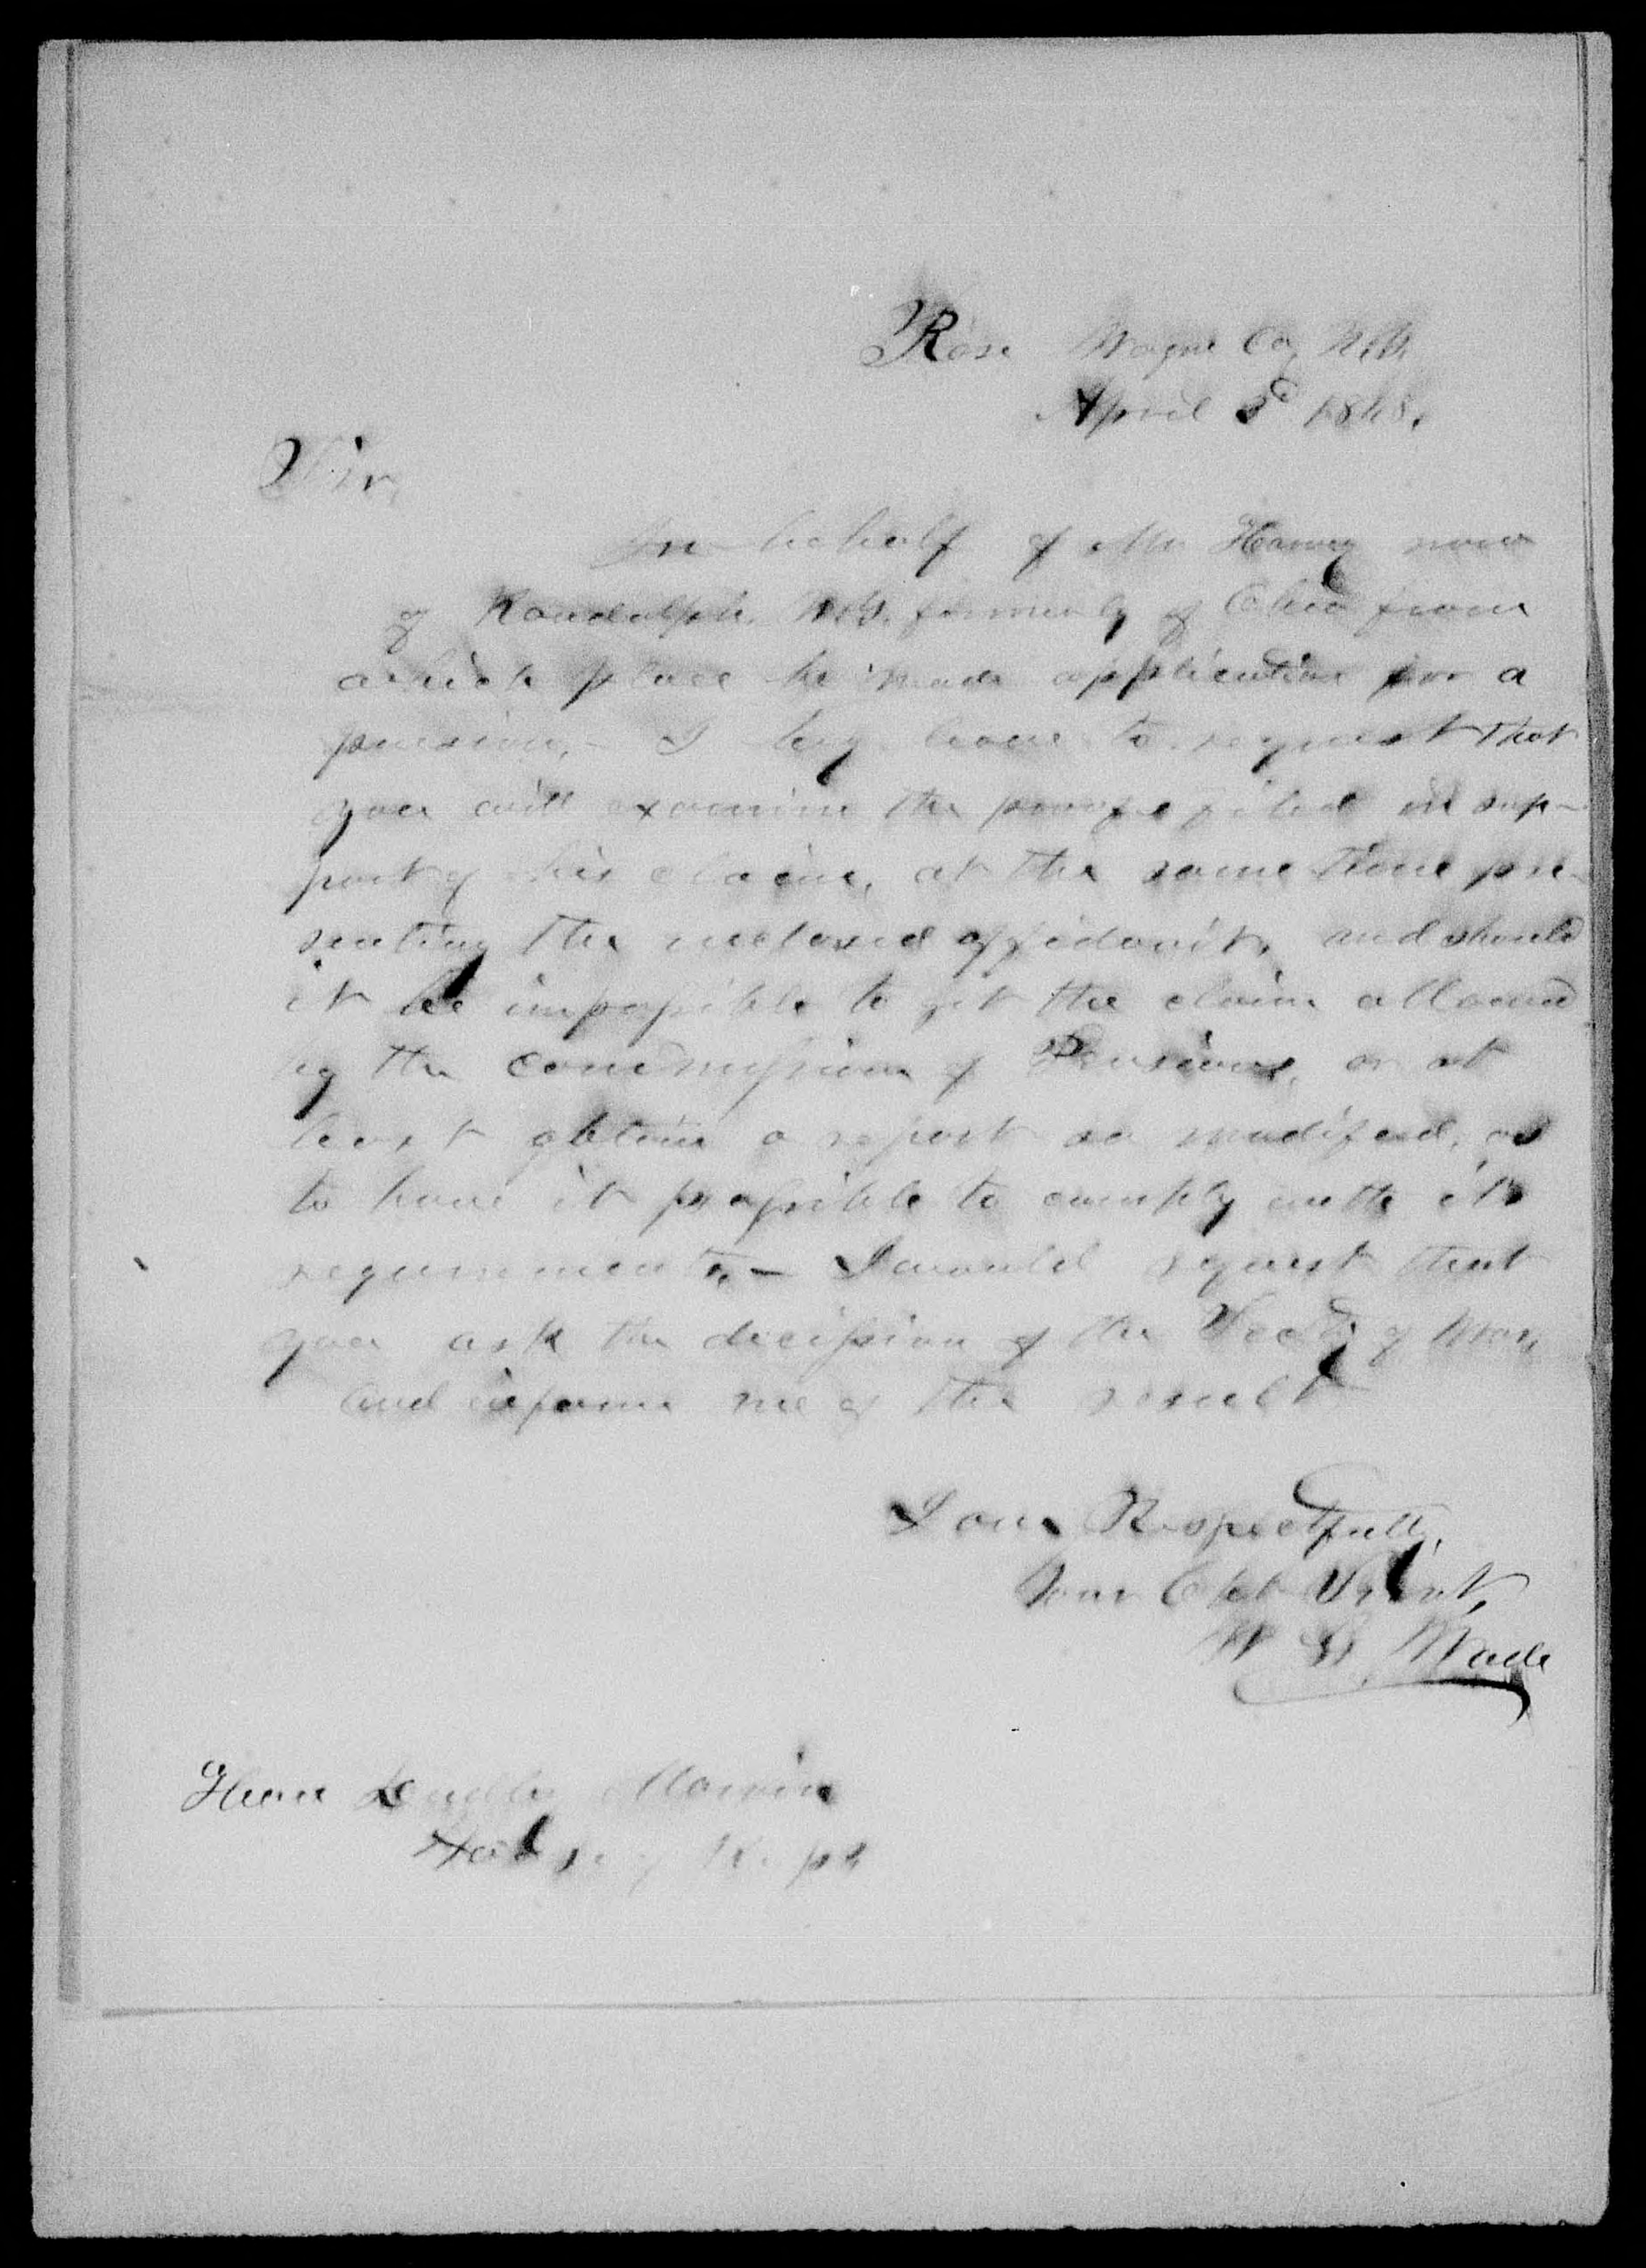[handwritten letter]
Rose Wayne Co N.Y.
April 3d 1848. 

Sir, 
In behalf of Mr. Harvey now of Randolph N.Y. formerly of Ohio from which place he made application for a pension - I beg leave to request that you will examined the proofs filed in support of his claim, at the same time presenting the enclosed affidavit, and should it be impossible to fit the claim allowed by the Commissioner of Pensions, or at least obtain a report as modified, and to have it possible to comply with its requirements - I would request that you ask the decision of the Sec'y of War, and inform me of the result
I am Respectfully, Your Ob't Servt,
/s/W. G. Wade
Hon. Dudley Marvin
House of Reps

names: Harvey, Danl Marvin, W G Wade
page: 37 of 80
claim: survivor's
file: S. 18008, Thomas Harvey, N.H.